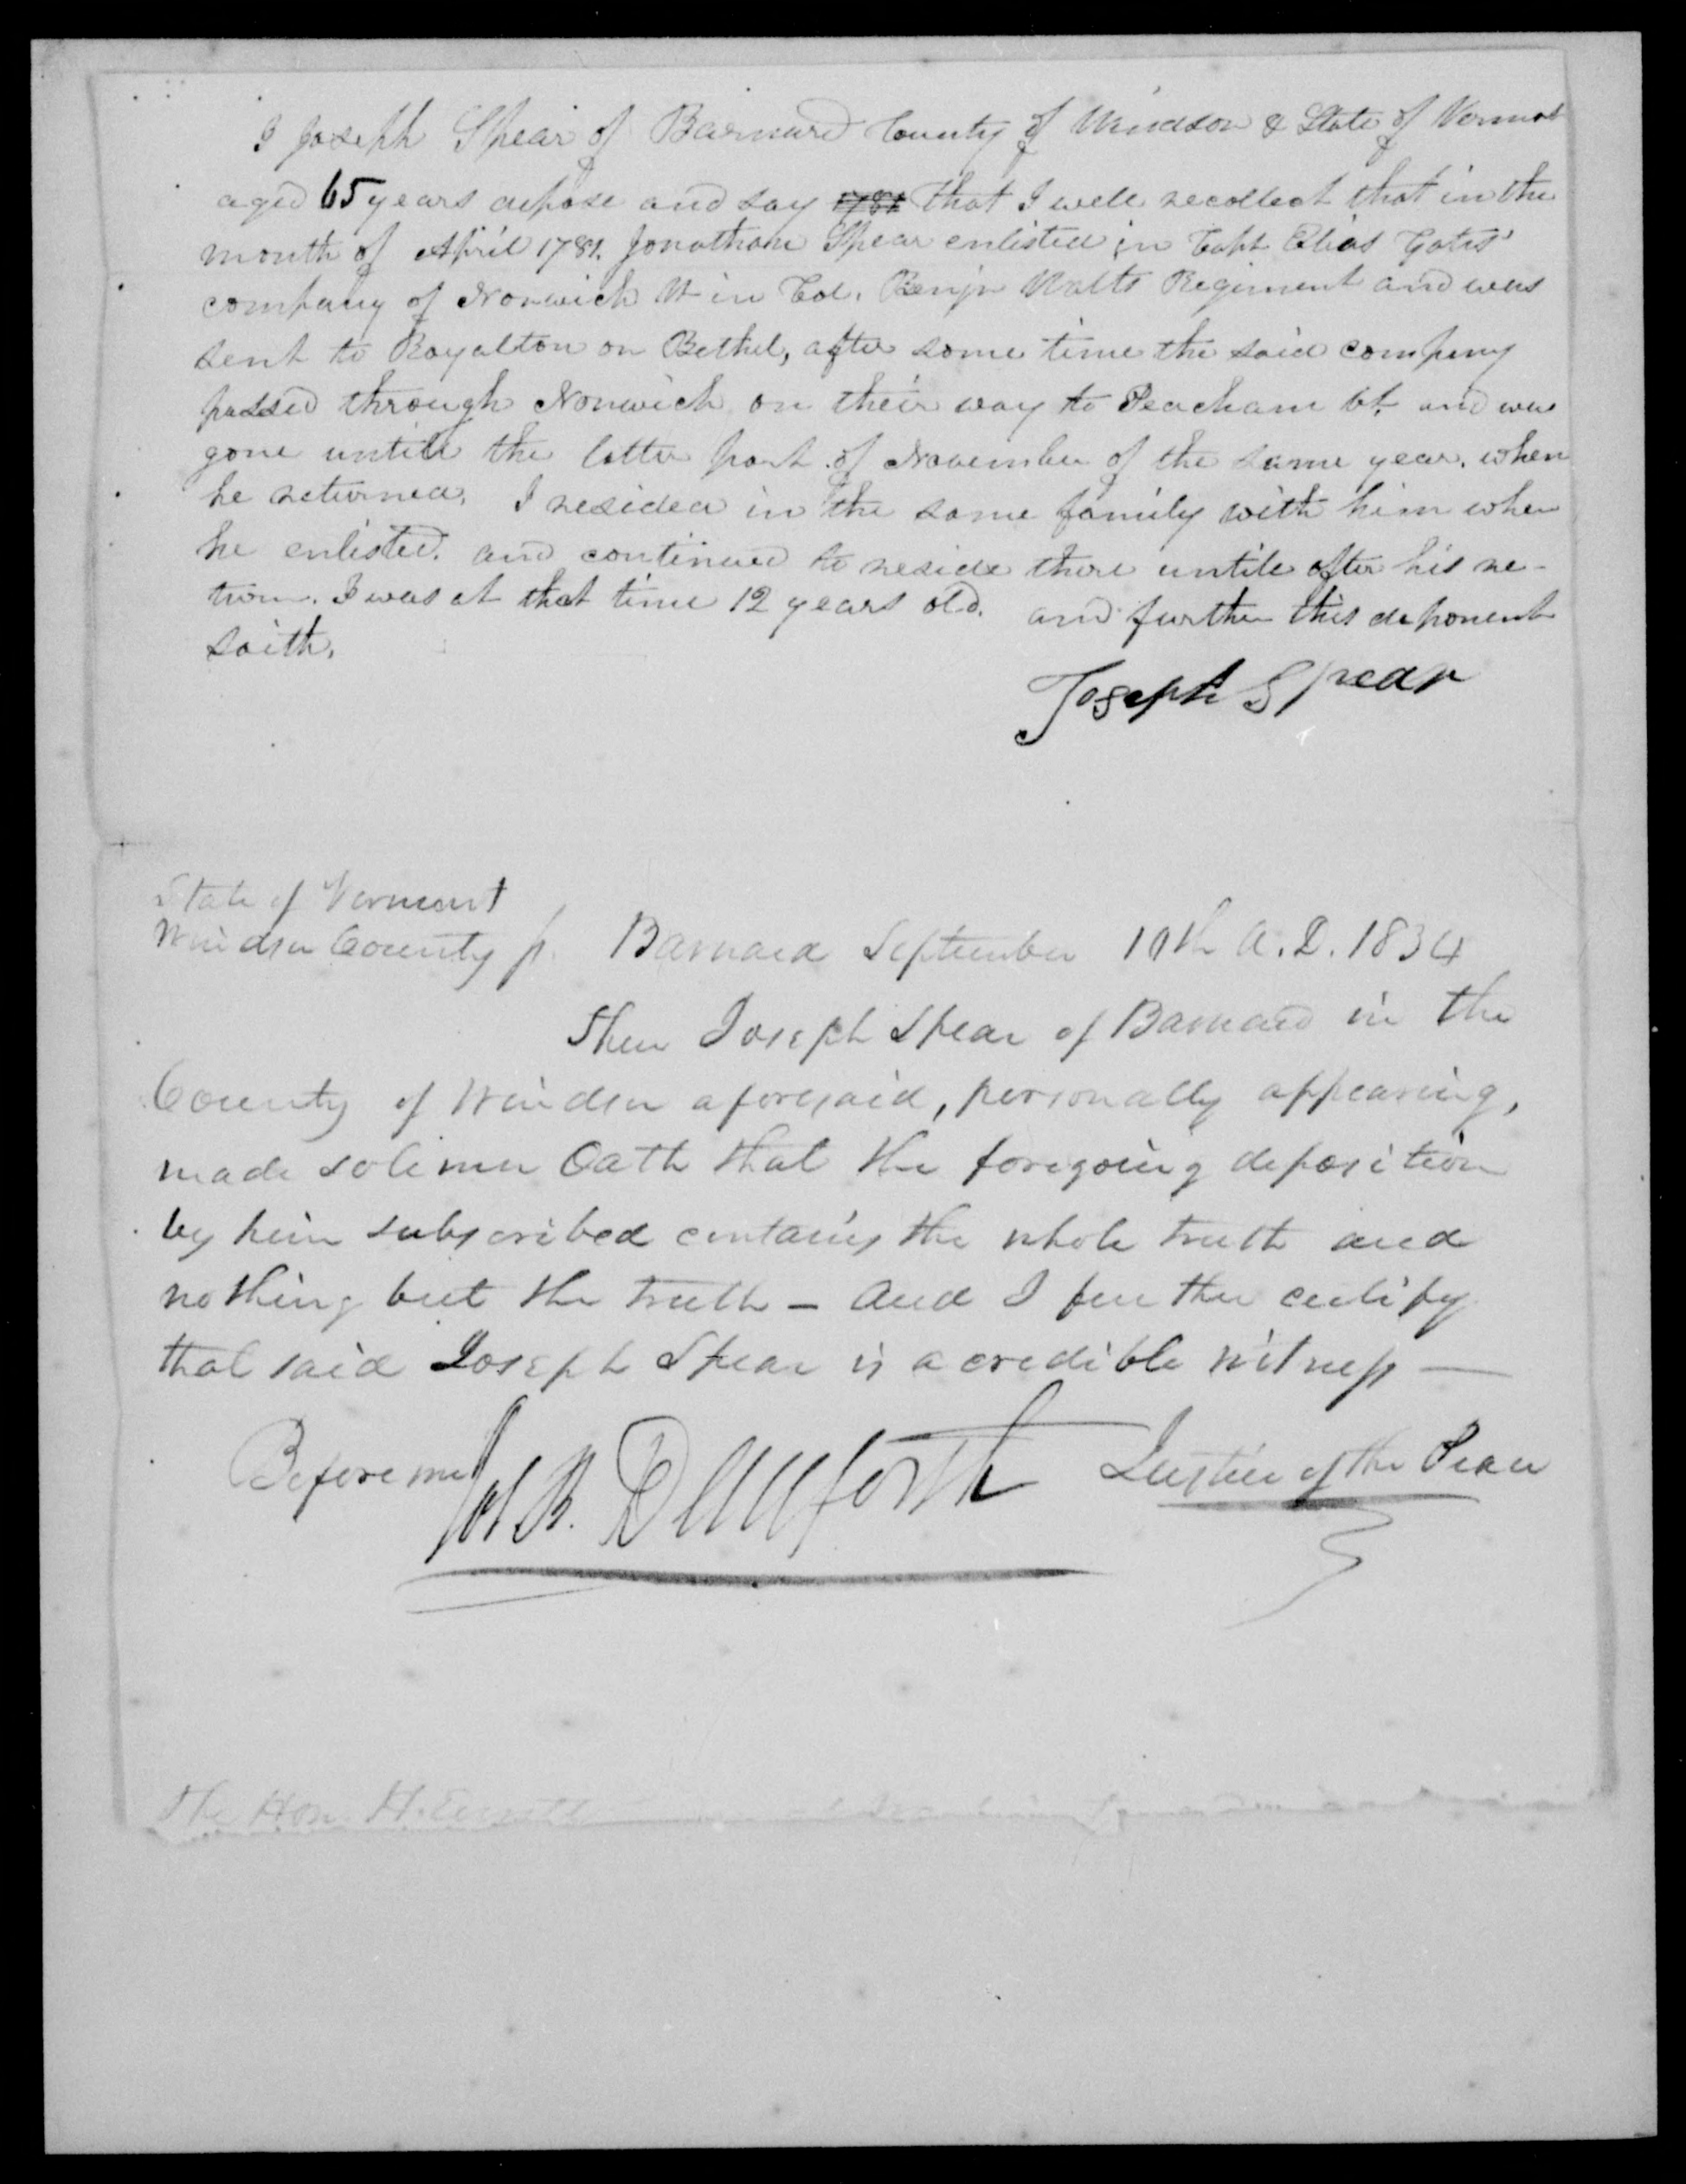I Joseph Spear of Barnard County of Windsor & State of Vermont age 65 years depose and say that I well recollect that in the month of April 1781 Jonathan Spear enlisted in Capt Elias Gates company of Norwich VT in Col Benj Watts Regiment and was sent to Royalton or Bethel, after some time the said company passed through Norwich on their way to Peacham VT and was gone within the latter part of November of the same year. When he returned I resided in the same family with him when he enlisted and continued to reside there until after his return. I was at that time 12 years old and further this deponent saith.

Joseph Spear

State of Vermont
Windsor County
Barnard September 10th A.D. 1834

Then Joseph Spear of Barnard in the County of Windsor aforesaid, personally appearing made solemn Oath that the foregoing deposition by him subscribed contains the whole truth and nothing but the truth - and I further certify that the said Joseph Spear is a credible witness

Before Me Jos B Danforth Justice of the Peace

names: H Everett; Jos B Danforth; Joseph Spear; Jonathan Spear; Joseph Spear; Joseph Spear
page: 50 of 65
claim: widow's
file: W. 7197, for Jonathan Spear, Vermont